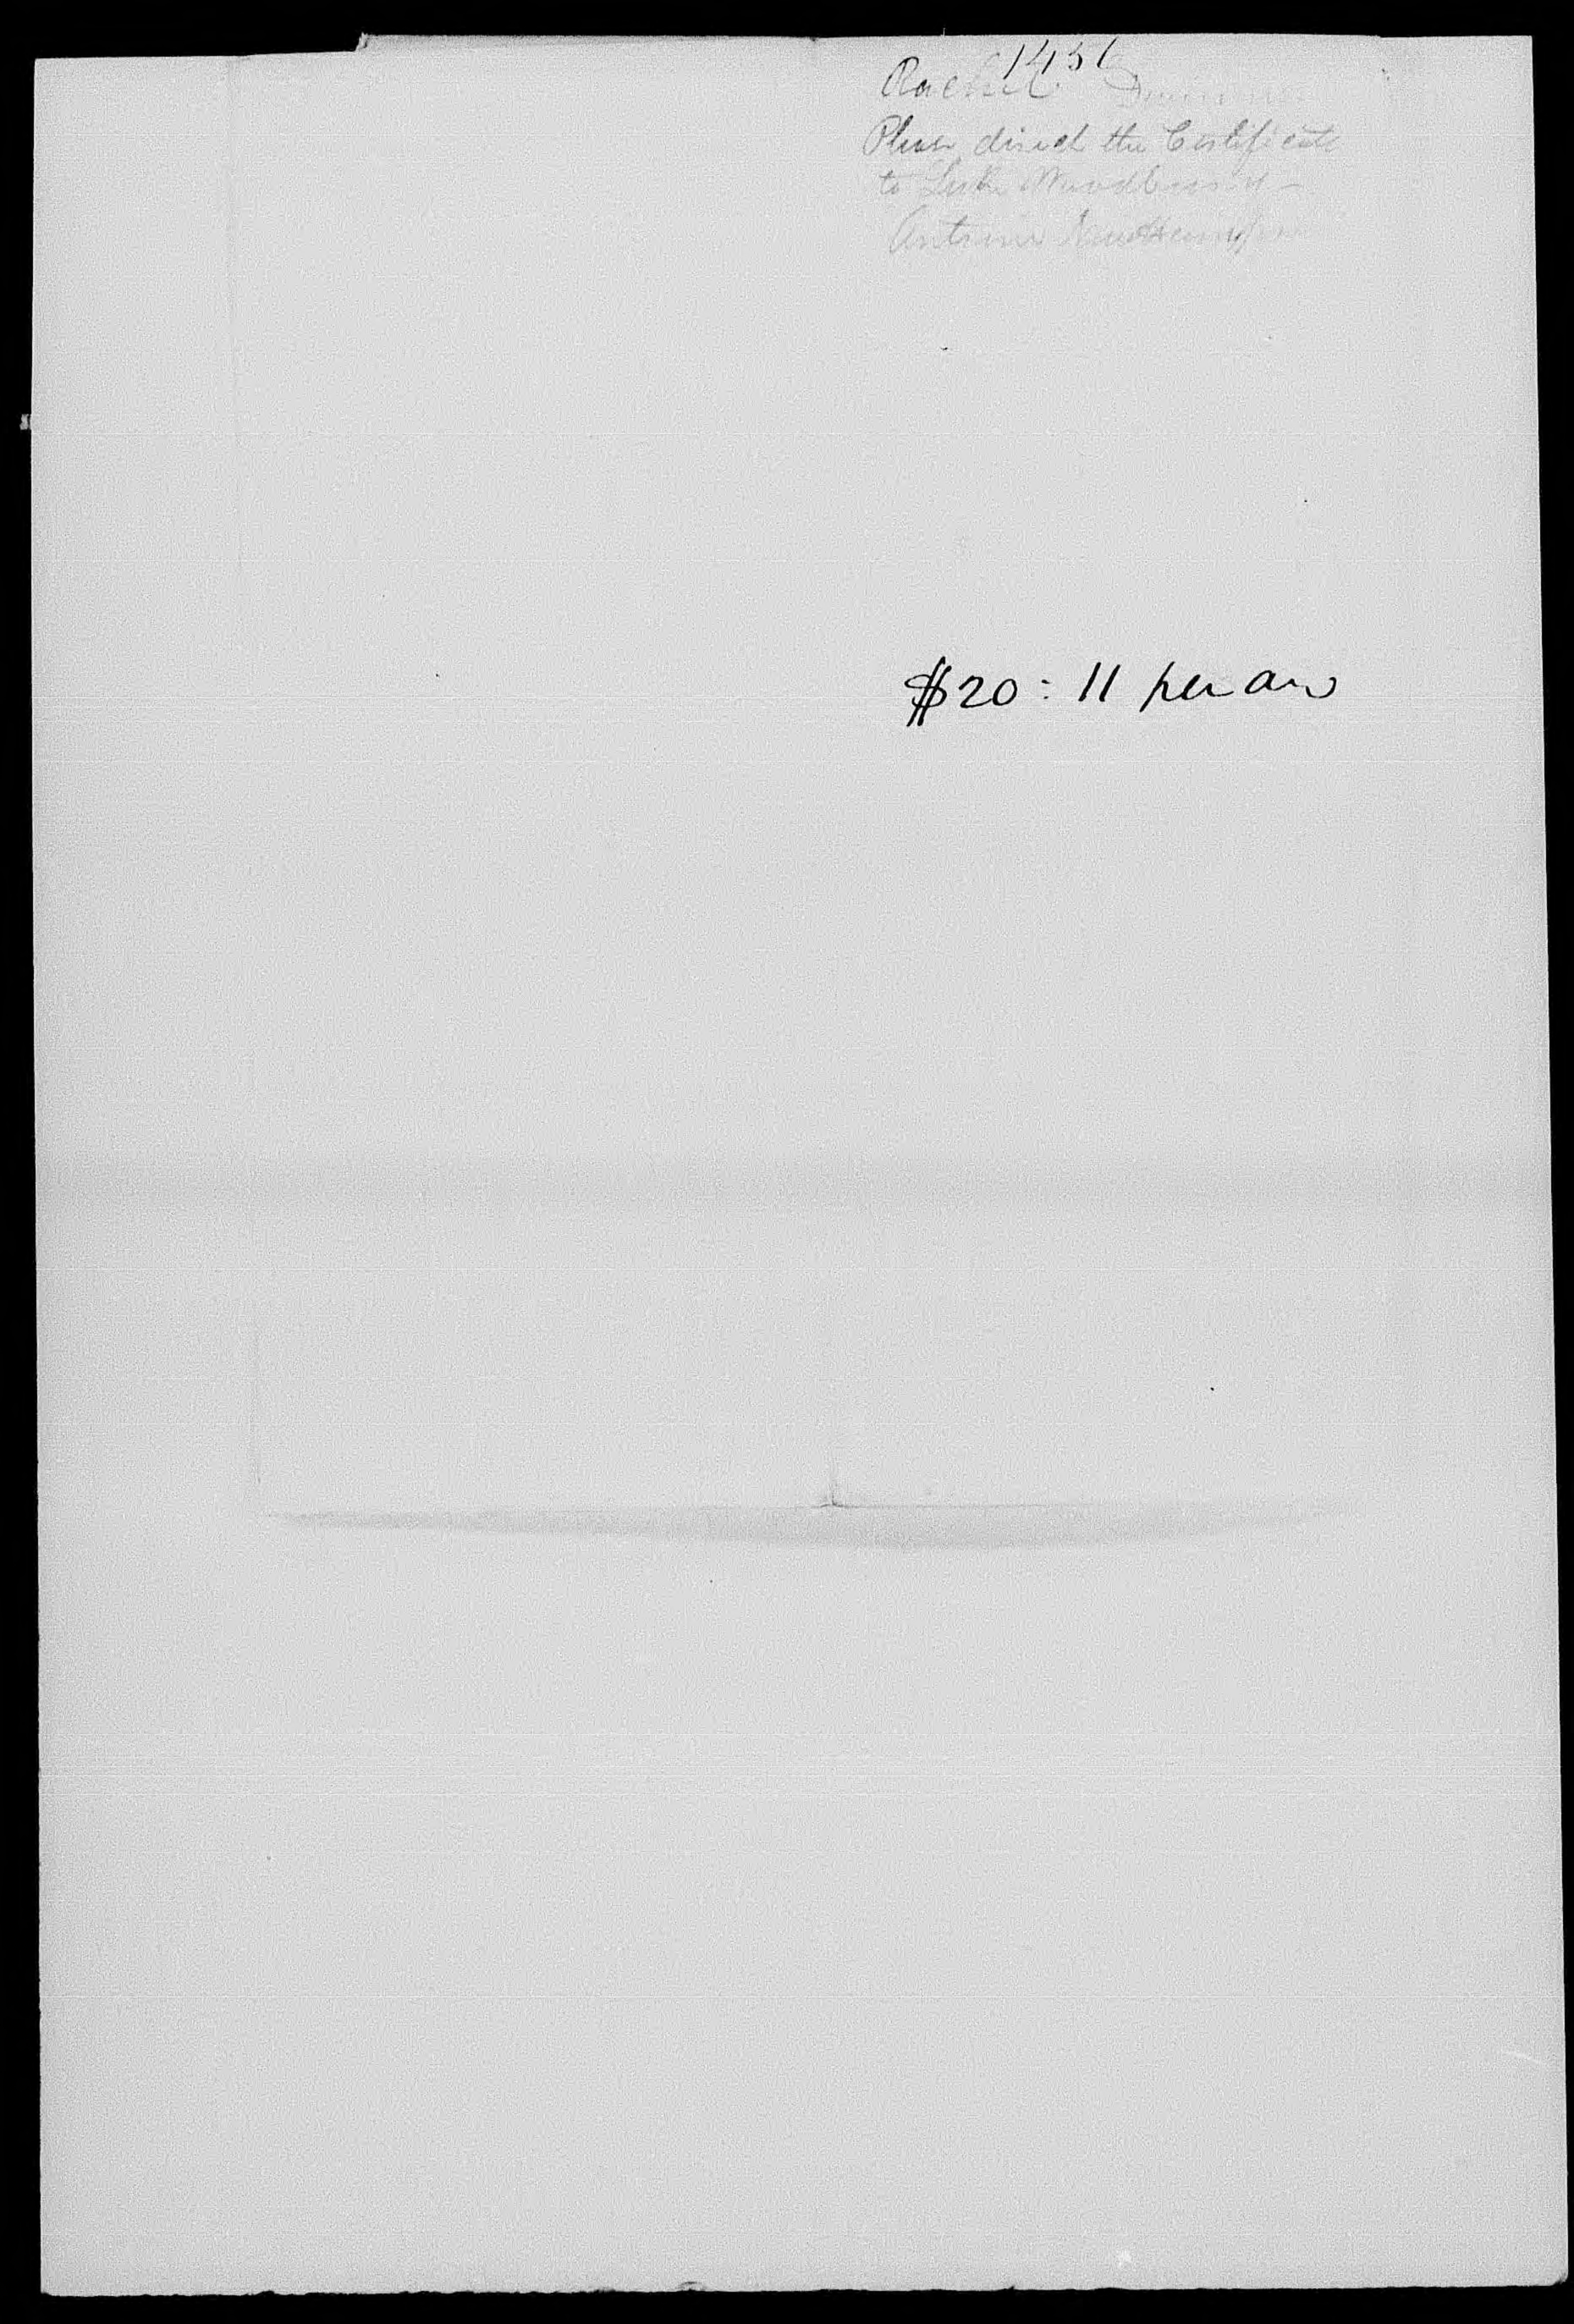1431
Rachel Dwinnell
Please direct the Certificate
to Luke Woodbury
Ant[illegible] [illegible]
$20 : 11 per an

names: Luke Woodbury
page: 14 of 22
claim: widow's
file: W. 22984, John Dwinnell, Mass.